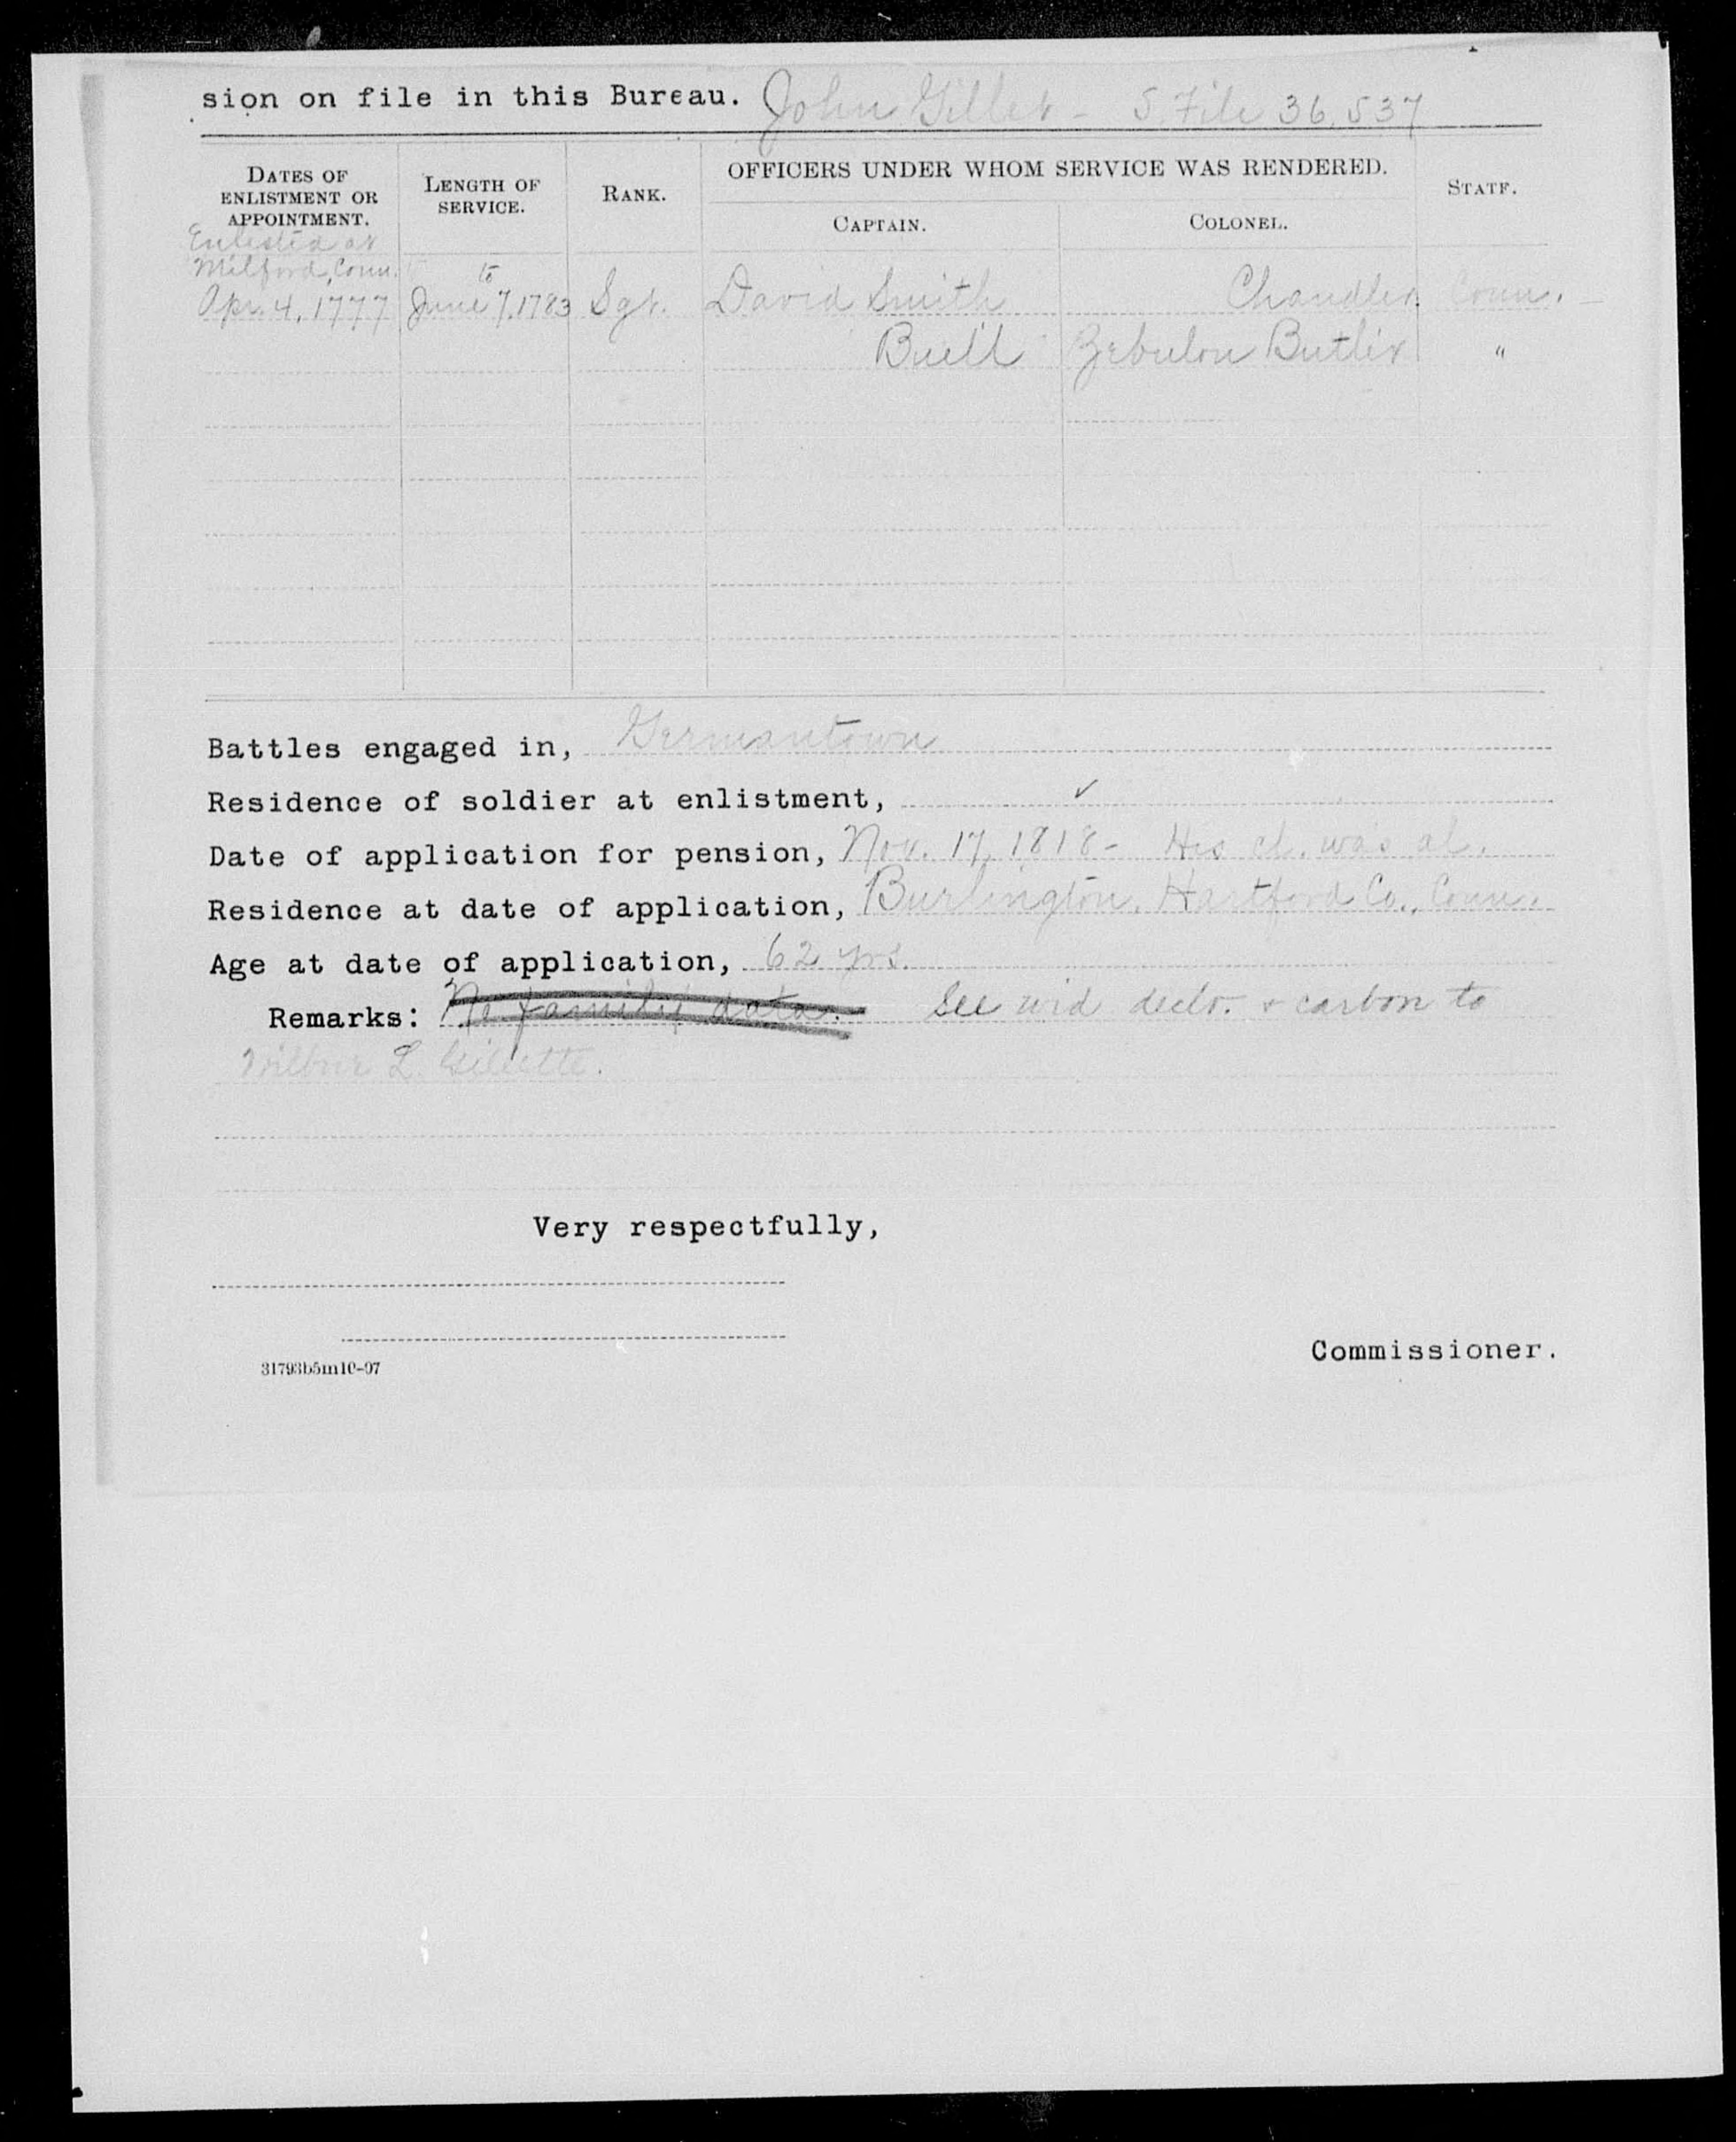sion on file in this Bureau. John Gillet S. File 36, 537
    __________________________________________________ [A chart follows with five headings]

DATES OF ENLISTMENT OR APPOINTMENT.
LENGTH OF SERVICE.
RANK.
OFFICERS UNDER WHOM SERVICE WAS 
      RENDERED.     CAPTAIN      COLONEL

Enlisted in Milford, Conn April 4, 1777 to  June 7, 1783     Sgr     David Smith   Chandler   Conn.
                                 Buell      Zebulon Butler


Battles engaged in.   Germantown
Residence of soldier at enlistment.   (check mark)
Date of application for pension, Nov. 7 1818 His 
        cl. was al.
Residence at date of application,  Burlington, 
         Hartford County, Conn.
Age at date of application,  62 yrs.
Remarks:  No family data [last three words 
         crossed out]   See wid declr. & carbon to 
         Wilbur L. Gillette

                                    Very respectfully,  

                                          Commissioner.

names: Buell, David Smith, Chandler, Zebulon Butler, John Gillet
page: 40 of 40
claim: survivor's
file: S. 36,537 And R. 4034, John Gillet, Conn.